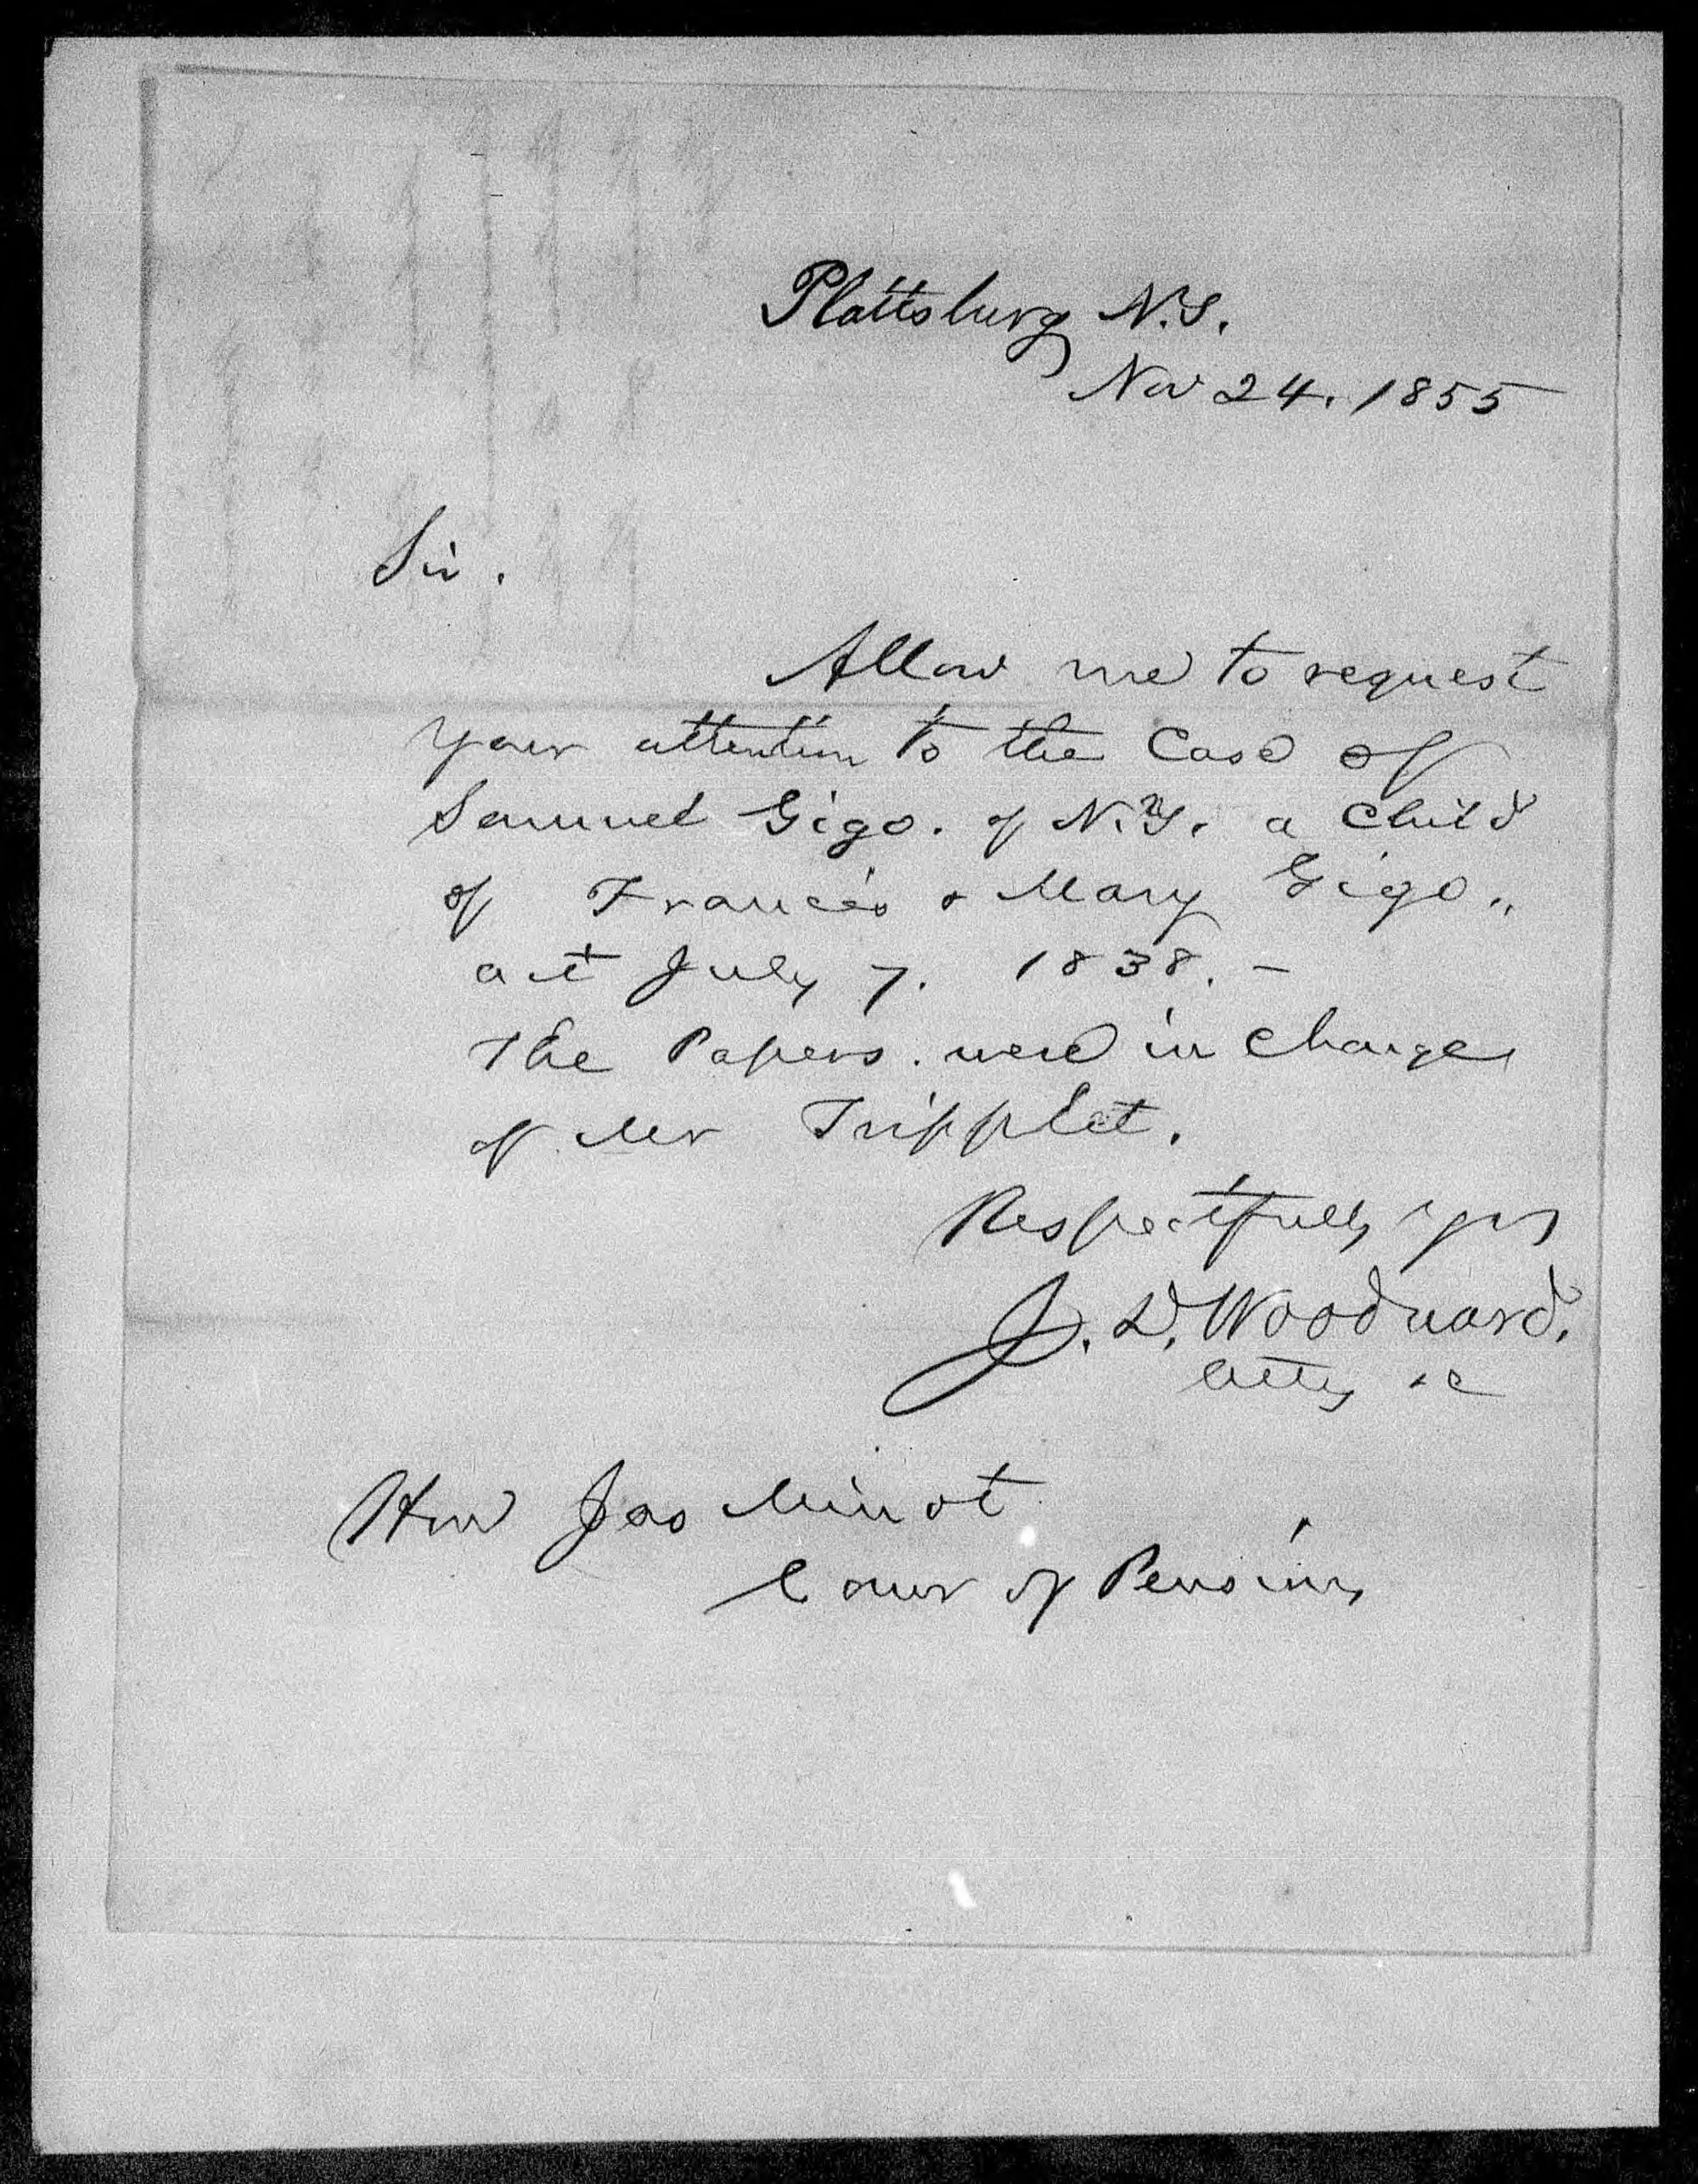Plattsburg N.Y.   Nov 24, 1855

Sir,
   Allow me to request your attention to the case of Samuel Gigo, of N.Y. a child of Francis & Mary Gigo ,, act July 7. 1838.-
The papers were in charge of Mr. Tripplet.
Respectfully yrs
J. D. Woodward atty 

Hon Jas binot
Court of Pensions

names: J D Woodward, Francis Gigo, Jno Minot, Samuel Gigo, Tripplet, Mary Gigo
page: 78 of 98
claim: widow's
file: W. 21182, Francis Gigo, Continental (Canadian)